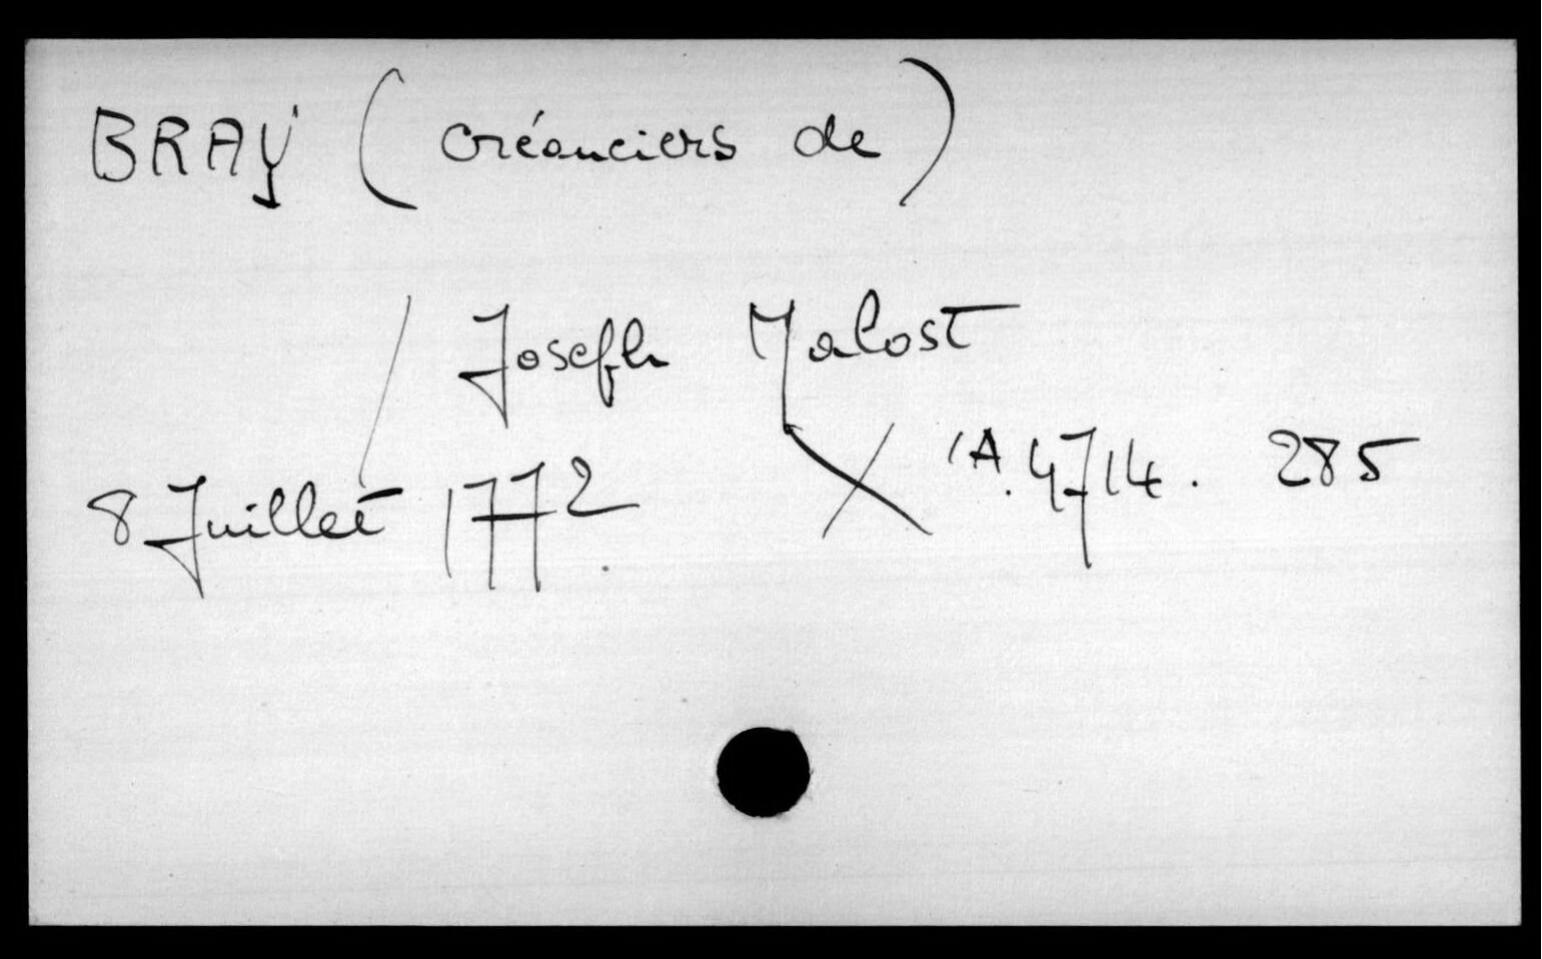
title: BRAY (créanciers de)
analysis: Contre Joseph Malost
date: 8 juillet 1772
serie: X1A
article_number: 4714
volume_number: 285
